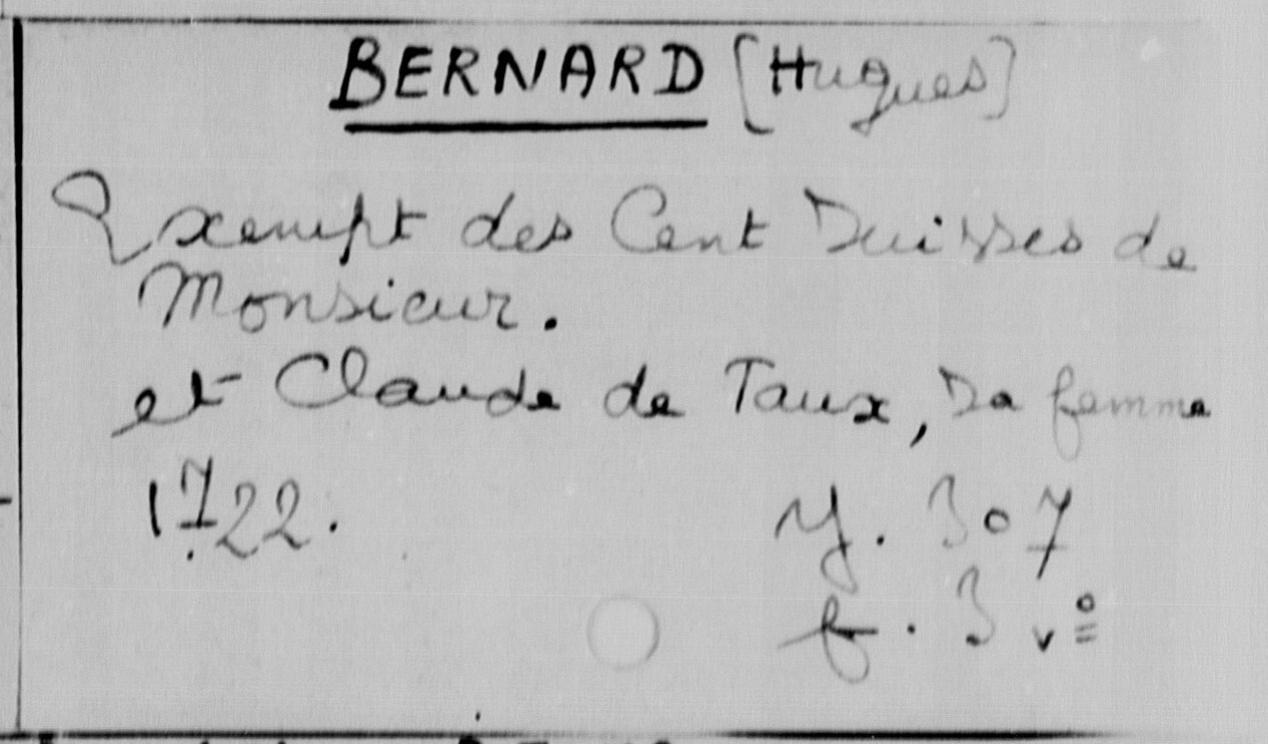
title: BERNARD (Hugues)
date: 1722
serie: Y
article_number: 307
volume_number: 3v
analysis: Exempt des Cent Suisses de Monsieur. et Claude de Taux, sa femme
